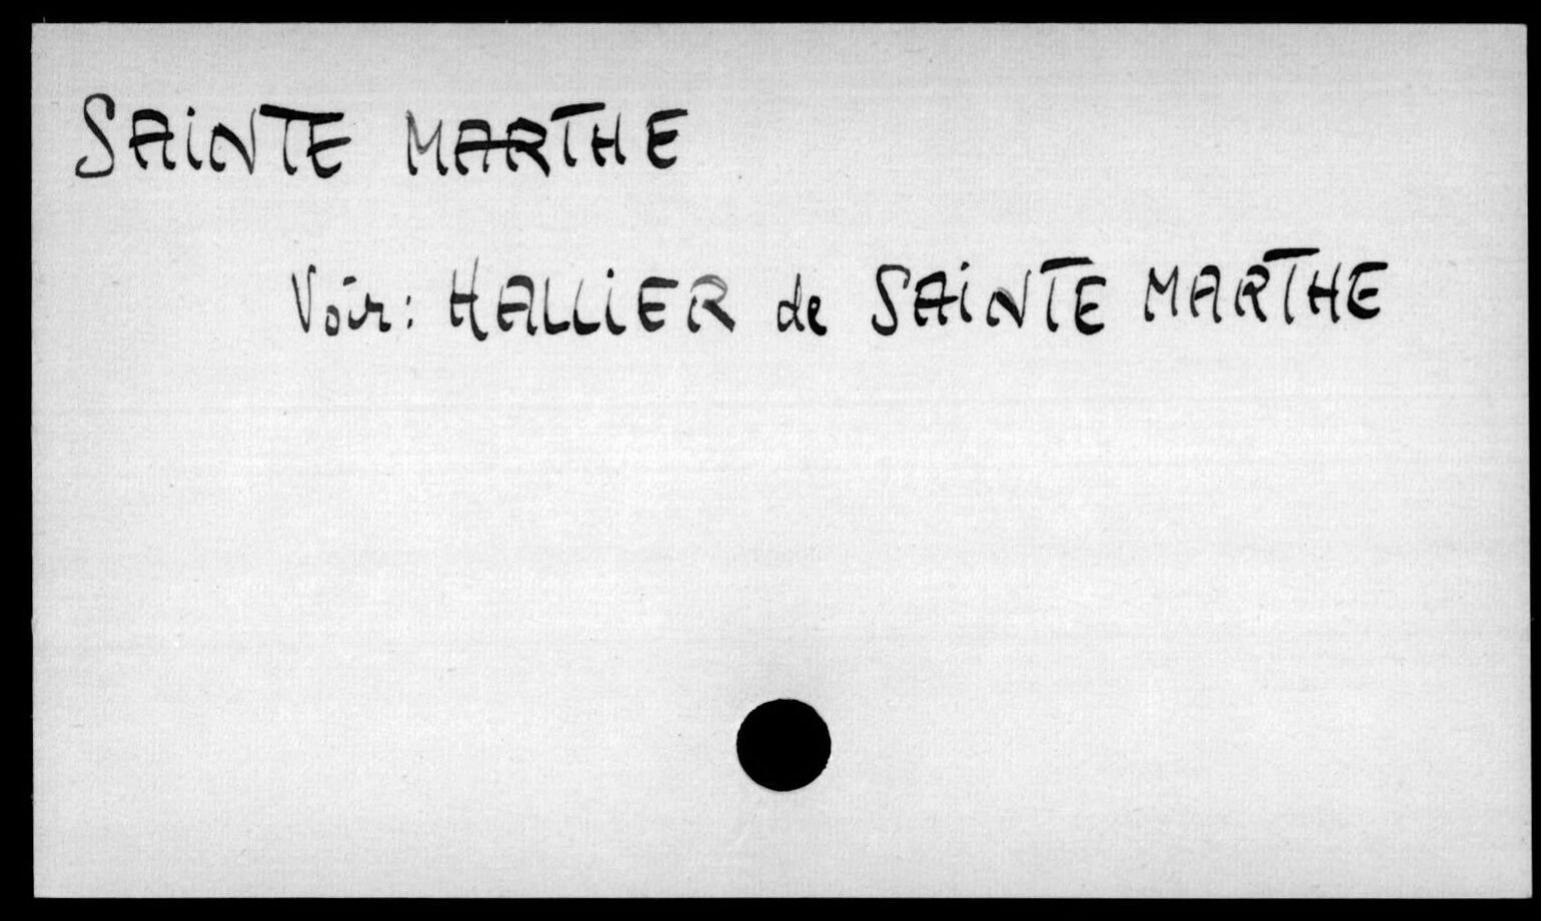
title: SAINTE MARTHE
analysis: Voir : HALLIER de SAINTE MARTHE
